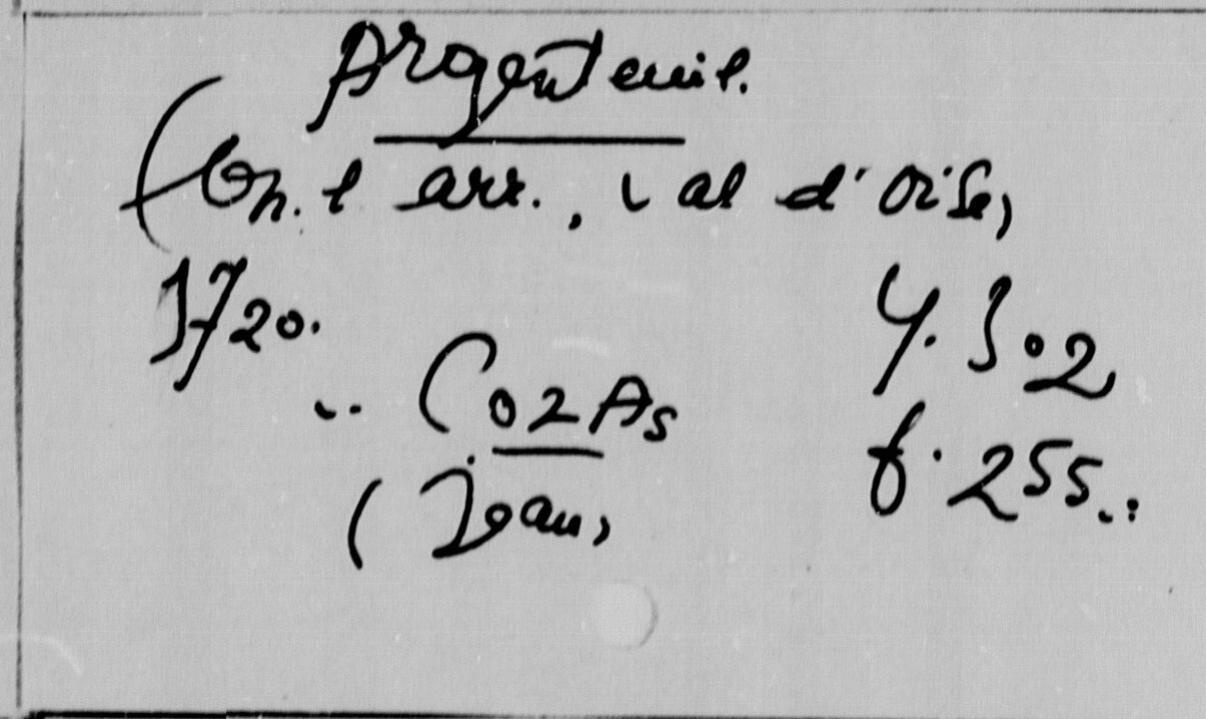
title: ARGENTEUIL (chef-lieu de canton, département du Val-d'Oise)
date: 1720
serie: Y
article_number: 302
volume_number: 255
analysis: Voir COLAS (Jean)
